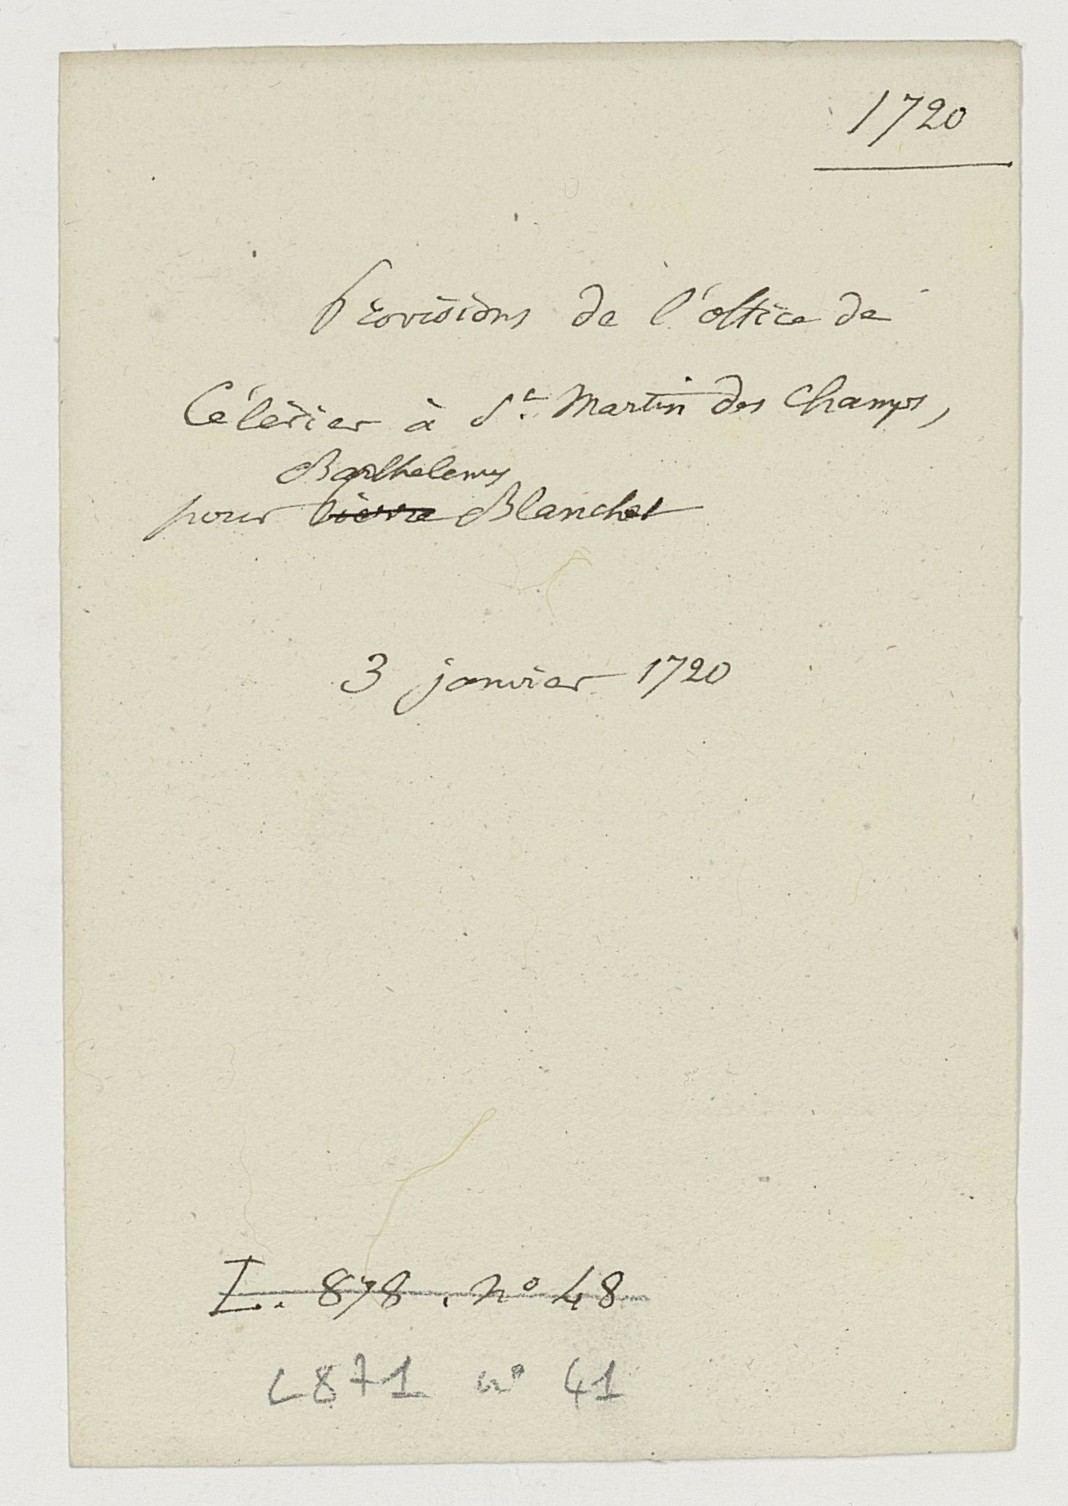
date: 1720
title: Provisions de l'office de Célérier à Saint-martin des Champs, pour Barthelemy Blanchet
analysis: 3 janvier 1720
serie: L
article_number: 871
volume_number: n° 41
